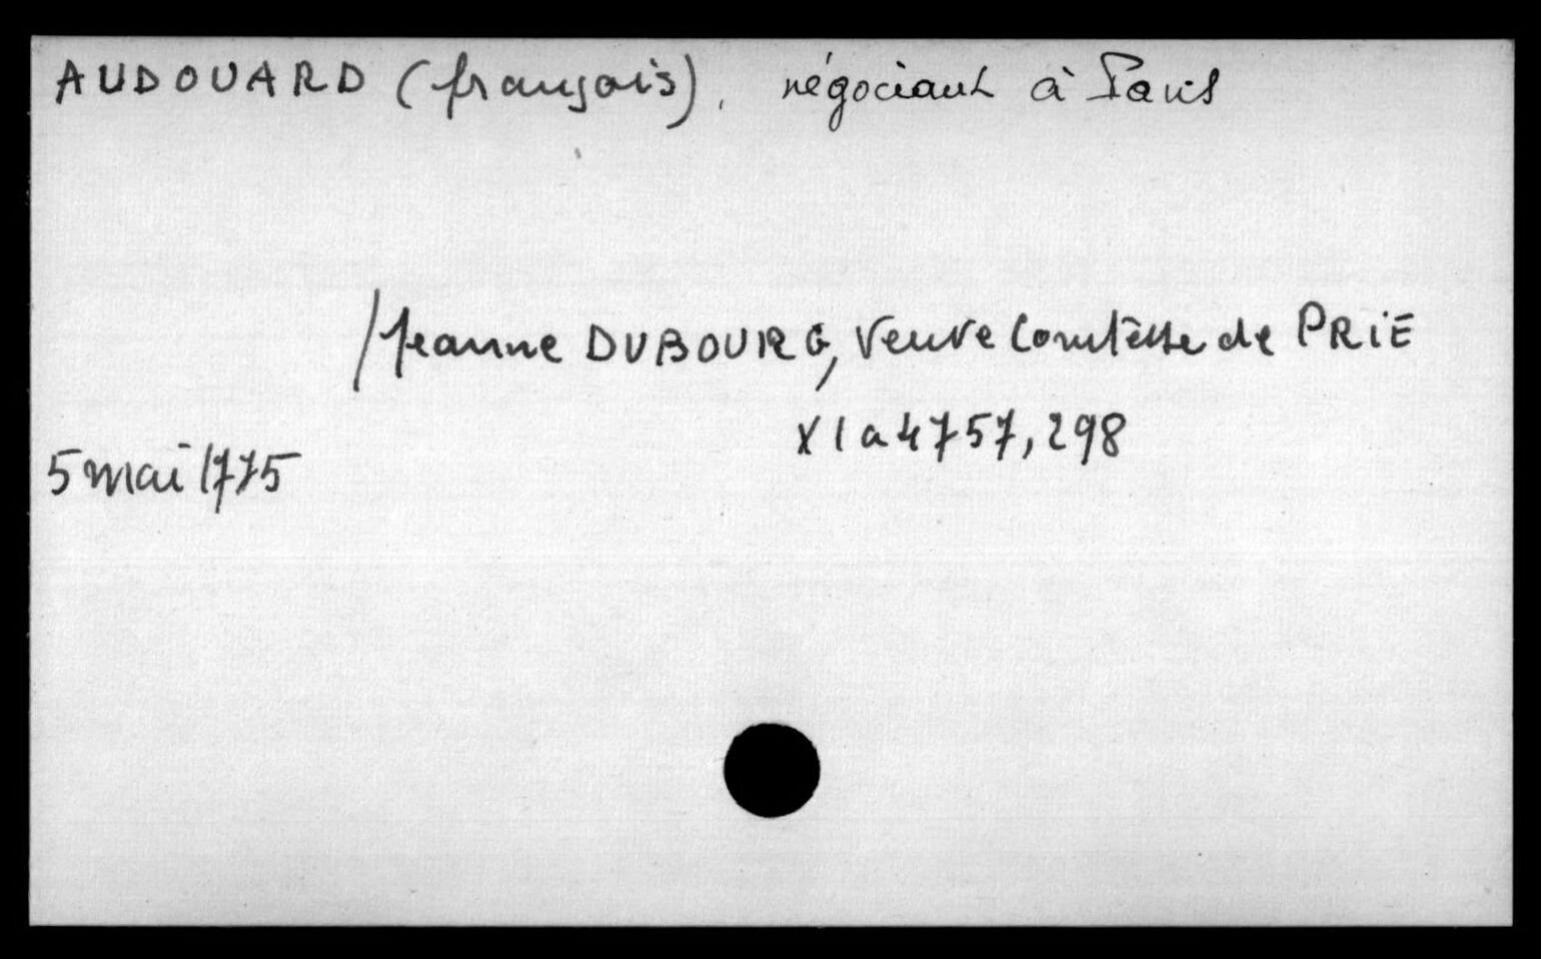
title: AUDOUARD (François), négociant à Paris
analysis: Contre Jeanne DUBOURG, Veuve comtesse de PRIE
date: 5 mai 1775
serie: X1a
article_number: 4757
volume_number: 298
